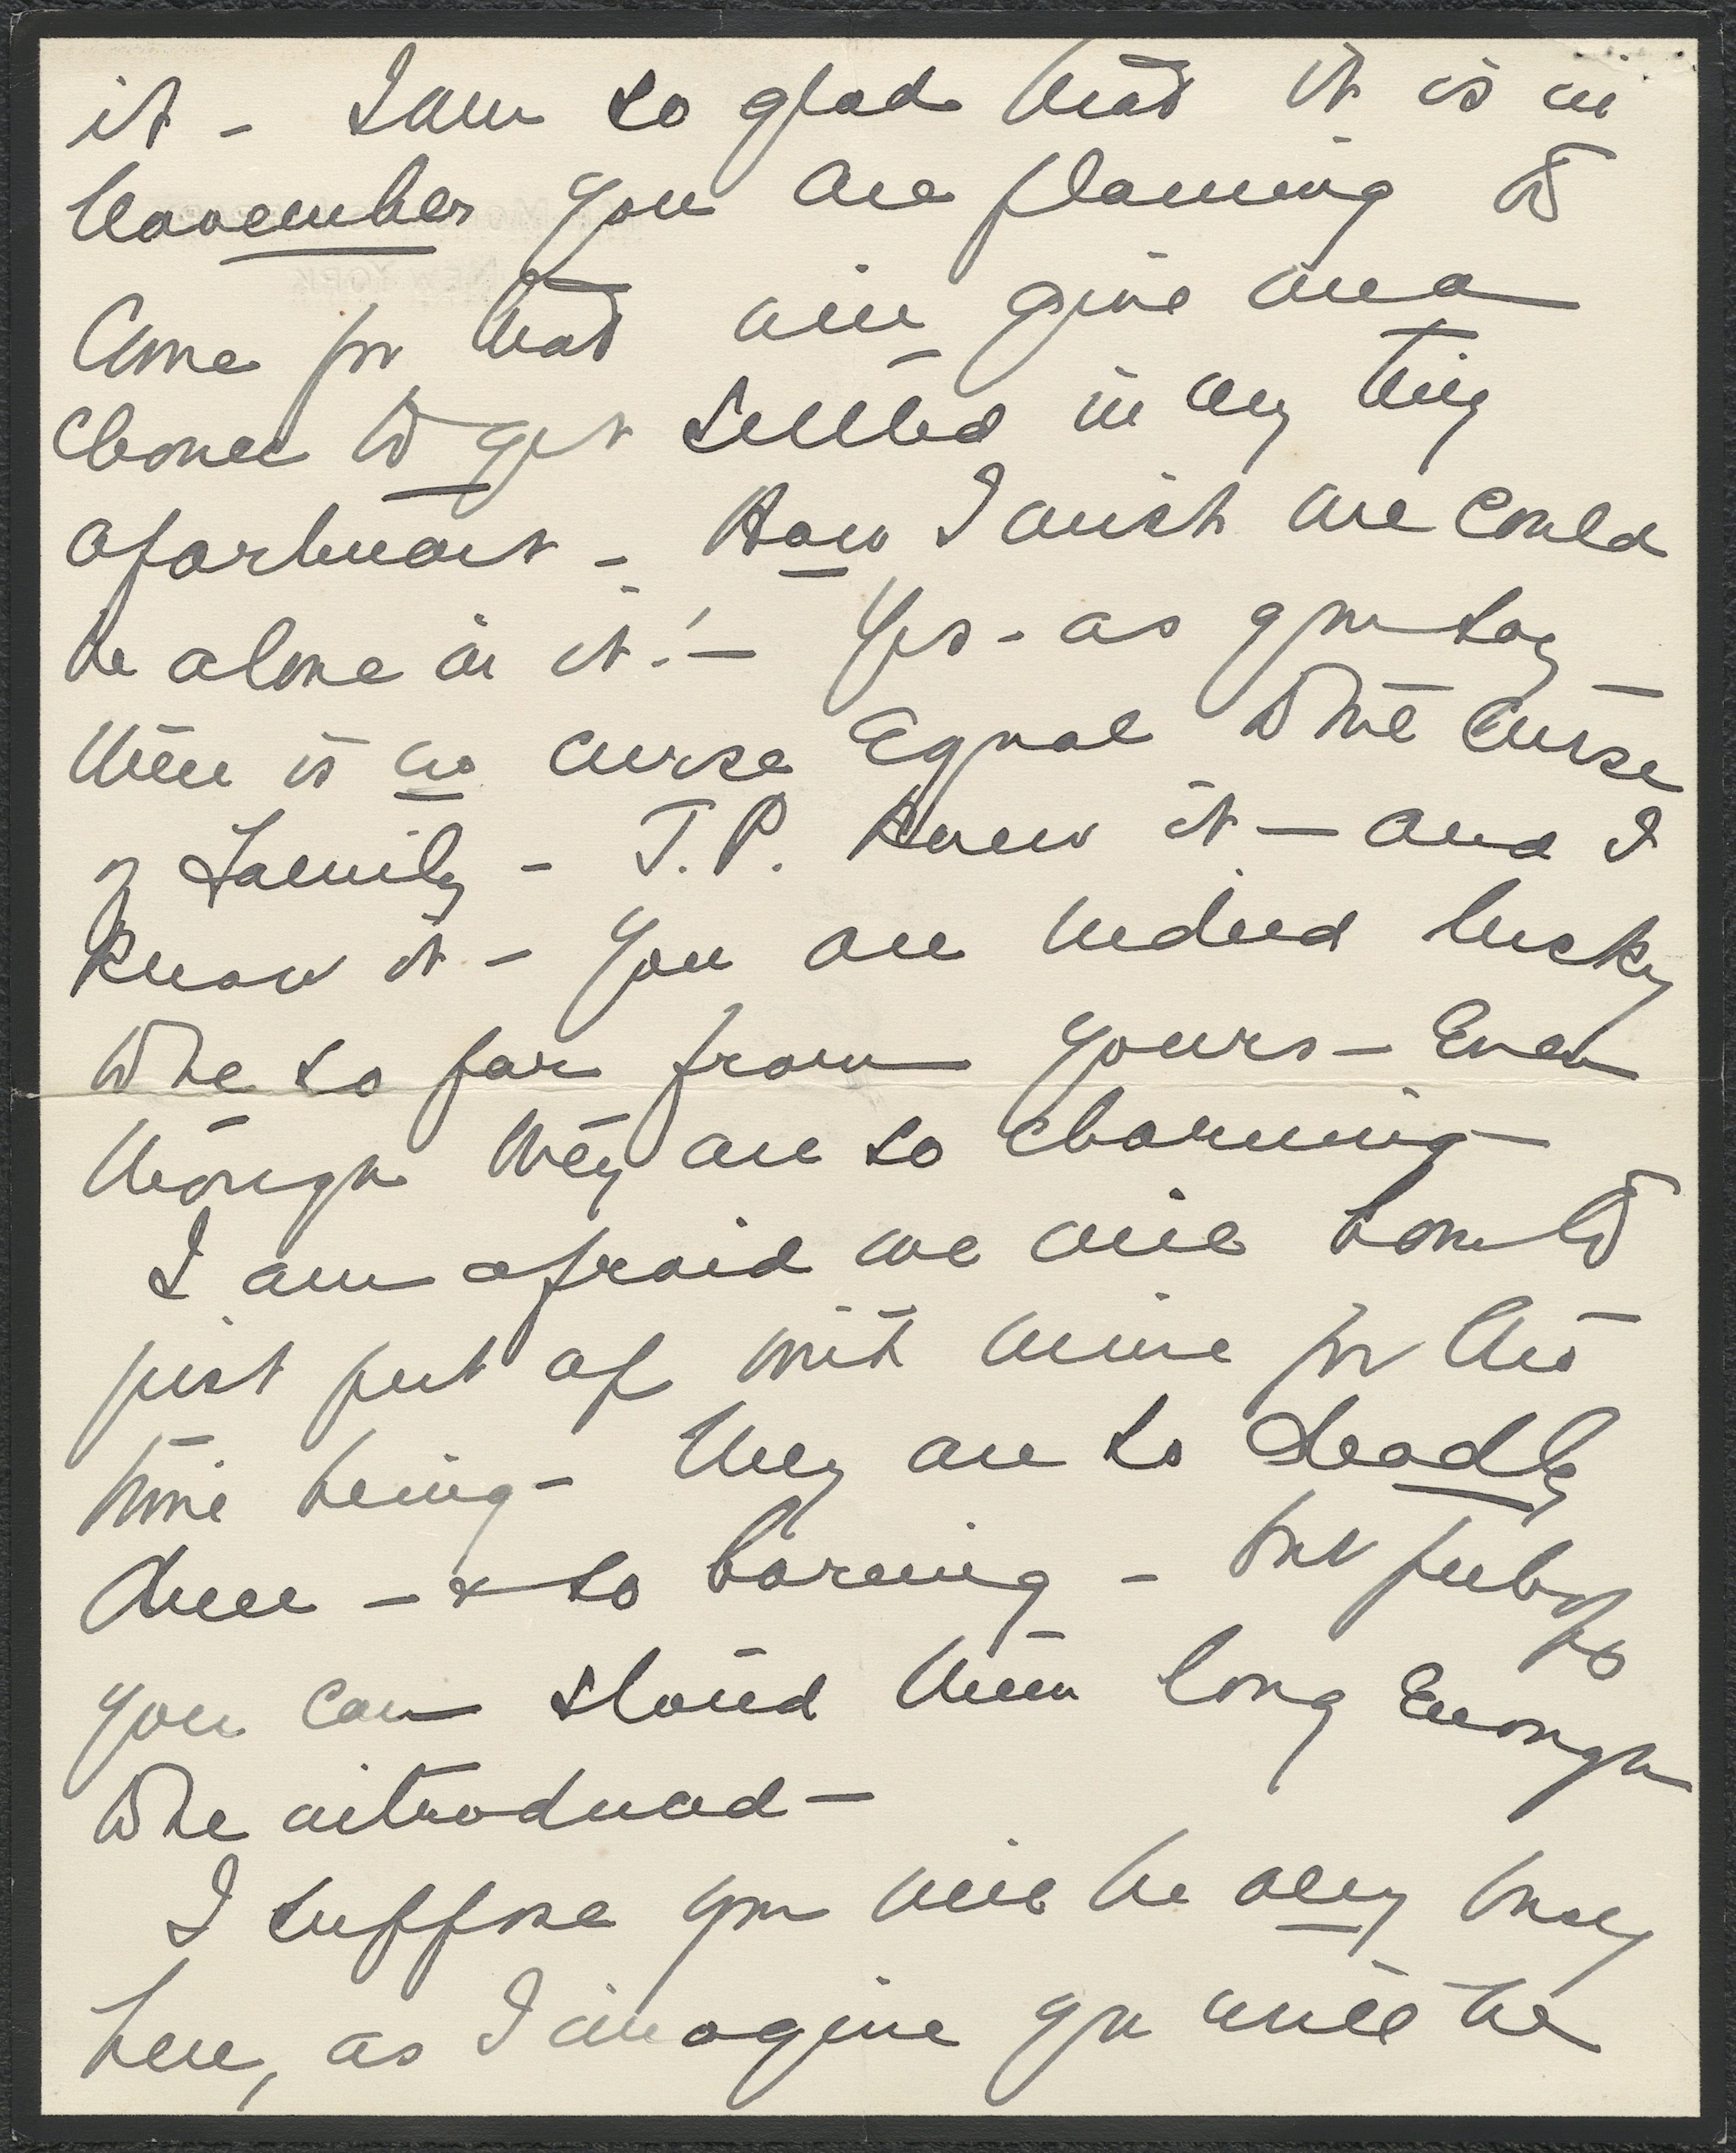it – I am so glad that it is in November you are planning to come for that will give me a chance to get settled in my tiny apartment – How I wish we could be alone in it! – Yes – as you say there is no curse equal to the curse of family – J.P. knew it – and I know it – You are indeed lucky to be so far from yours – even though they are so charming –
I am afraid we will have to just put up with mine for the time being - They are so deadly dull – & so boring – but perhaps you can stand them long enough to be introduced –
I suppose you will be very busy here, as I imagine you will be